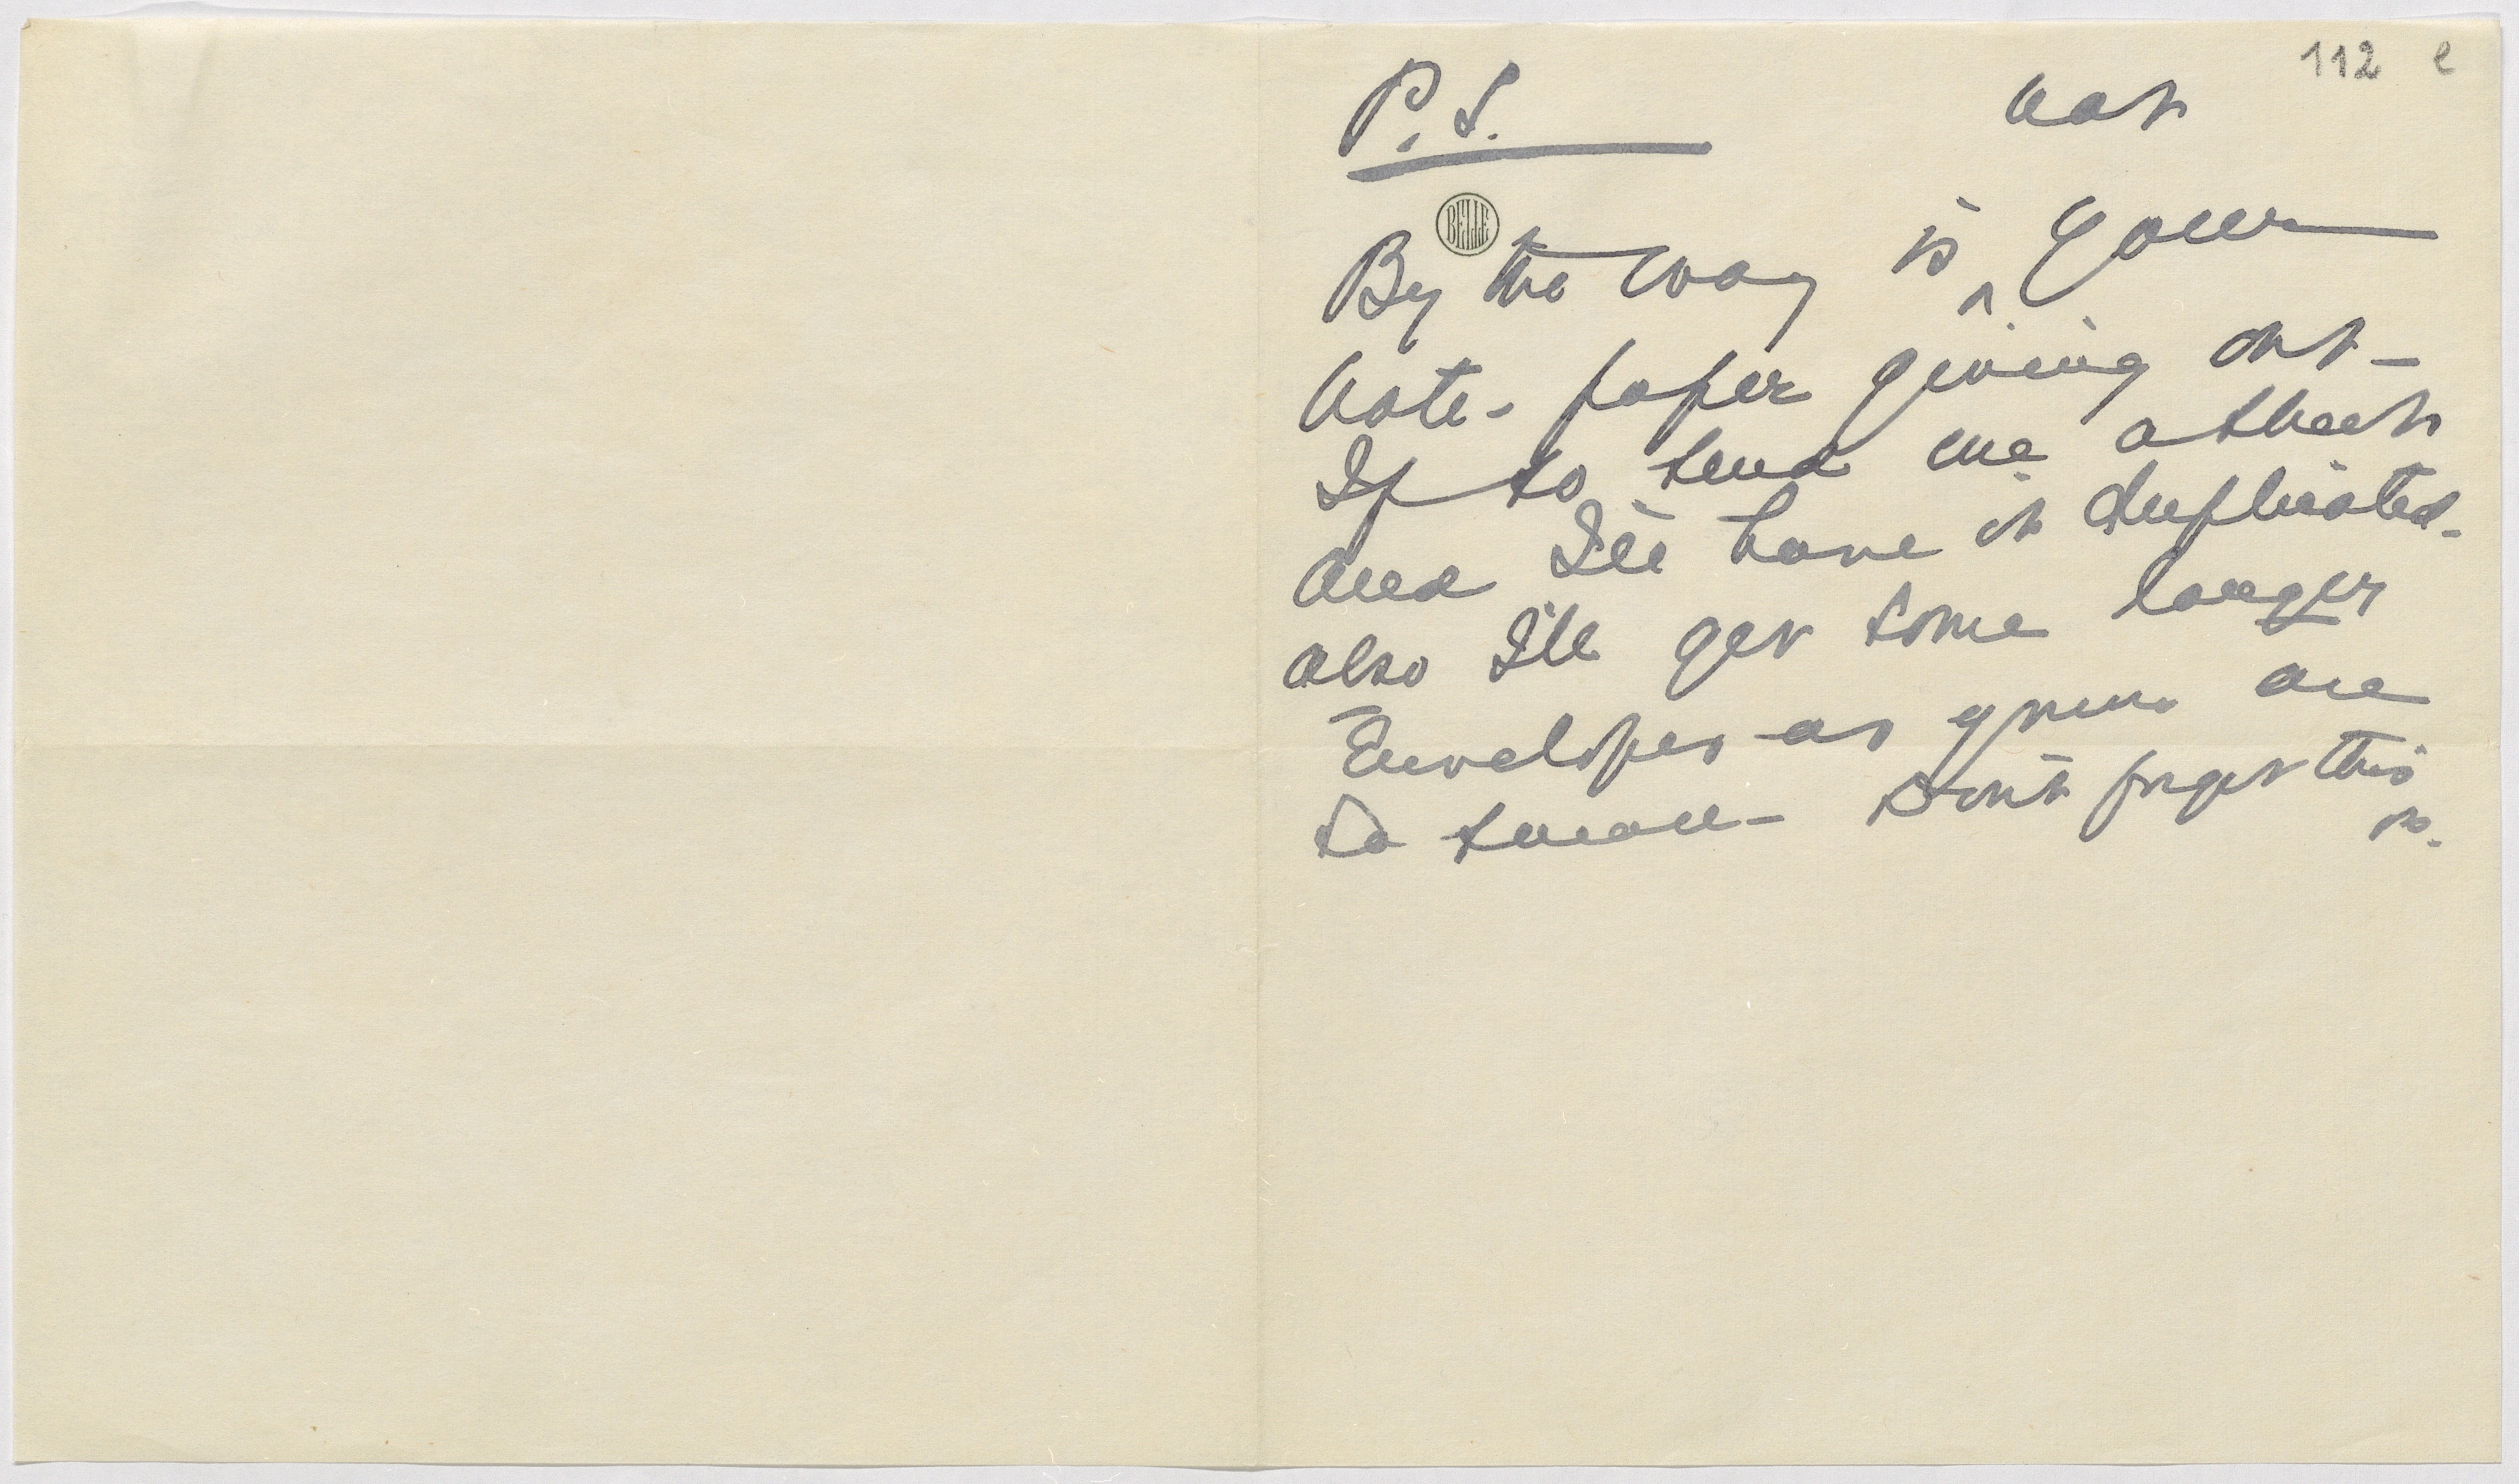P.S.
By the way is [inserted: not] your note-paper giving out – If so send me a sheet and I’ll have it duplicated – also I’ll get some larger envelopes as yours are so small – Don’t forget this B.